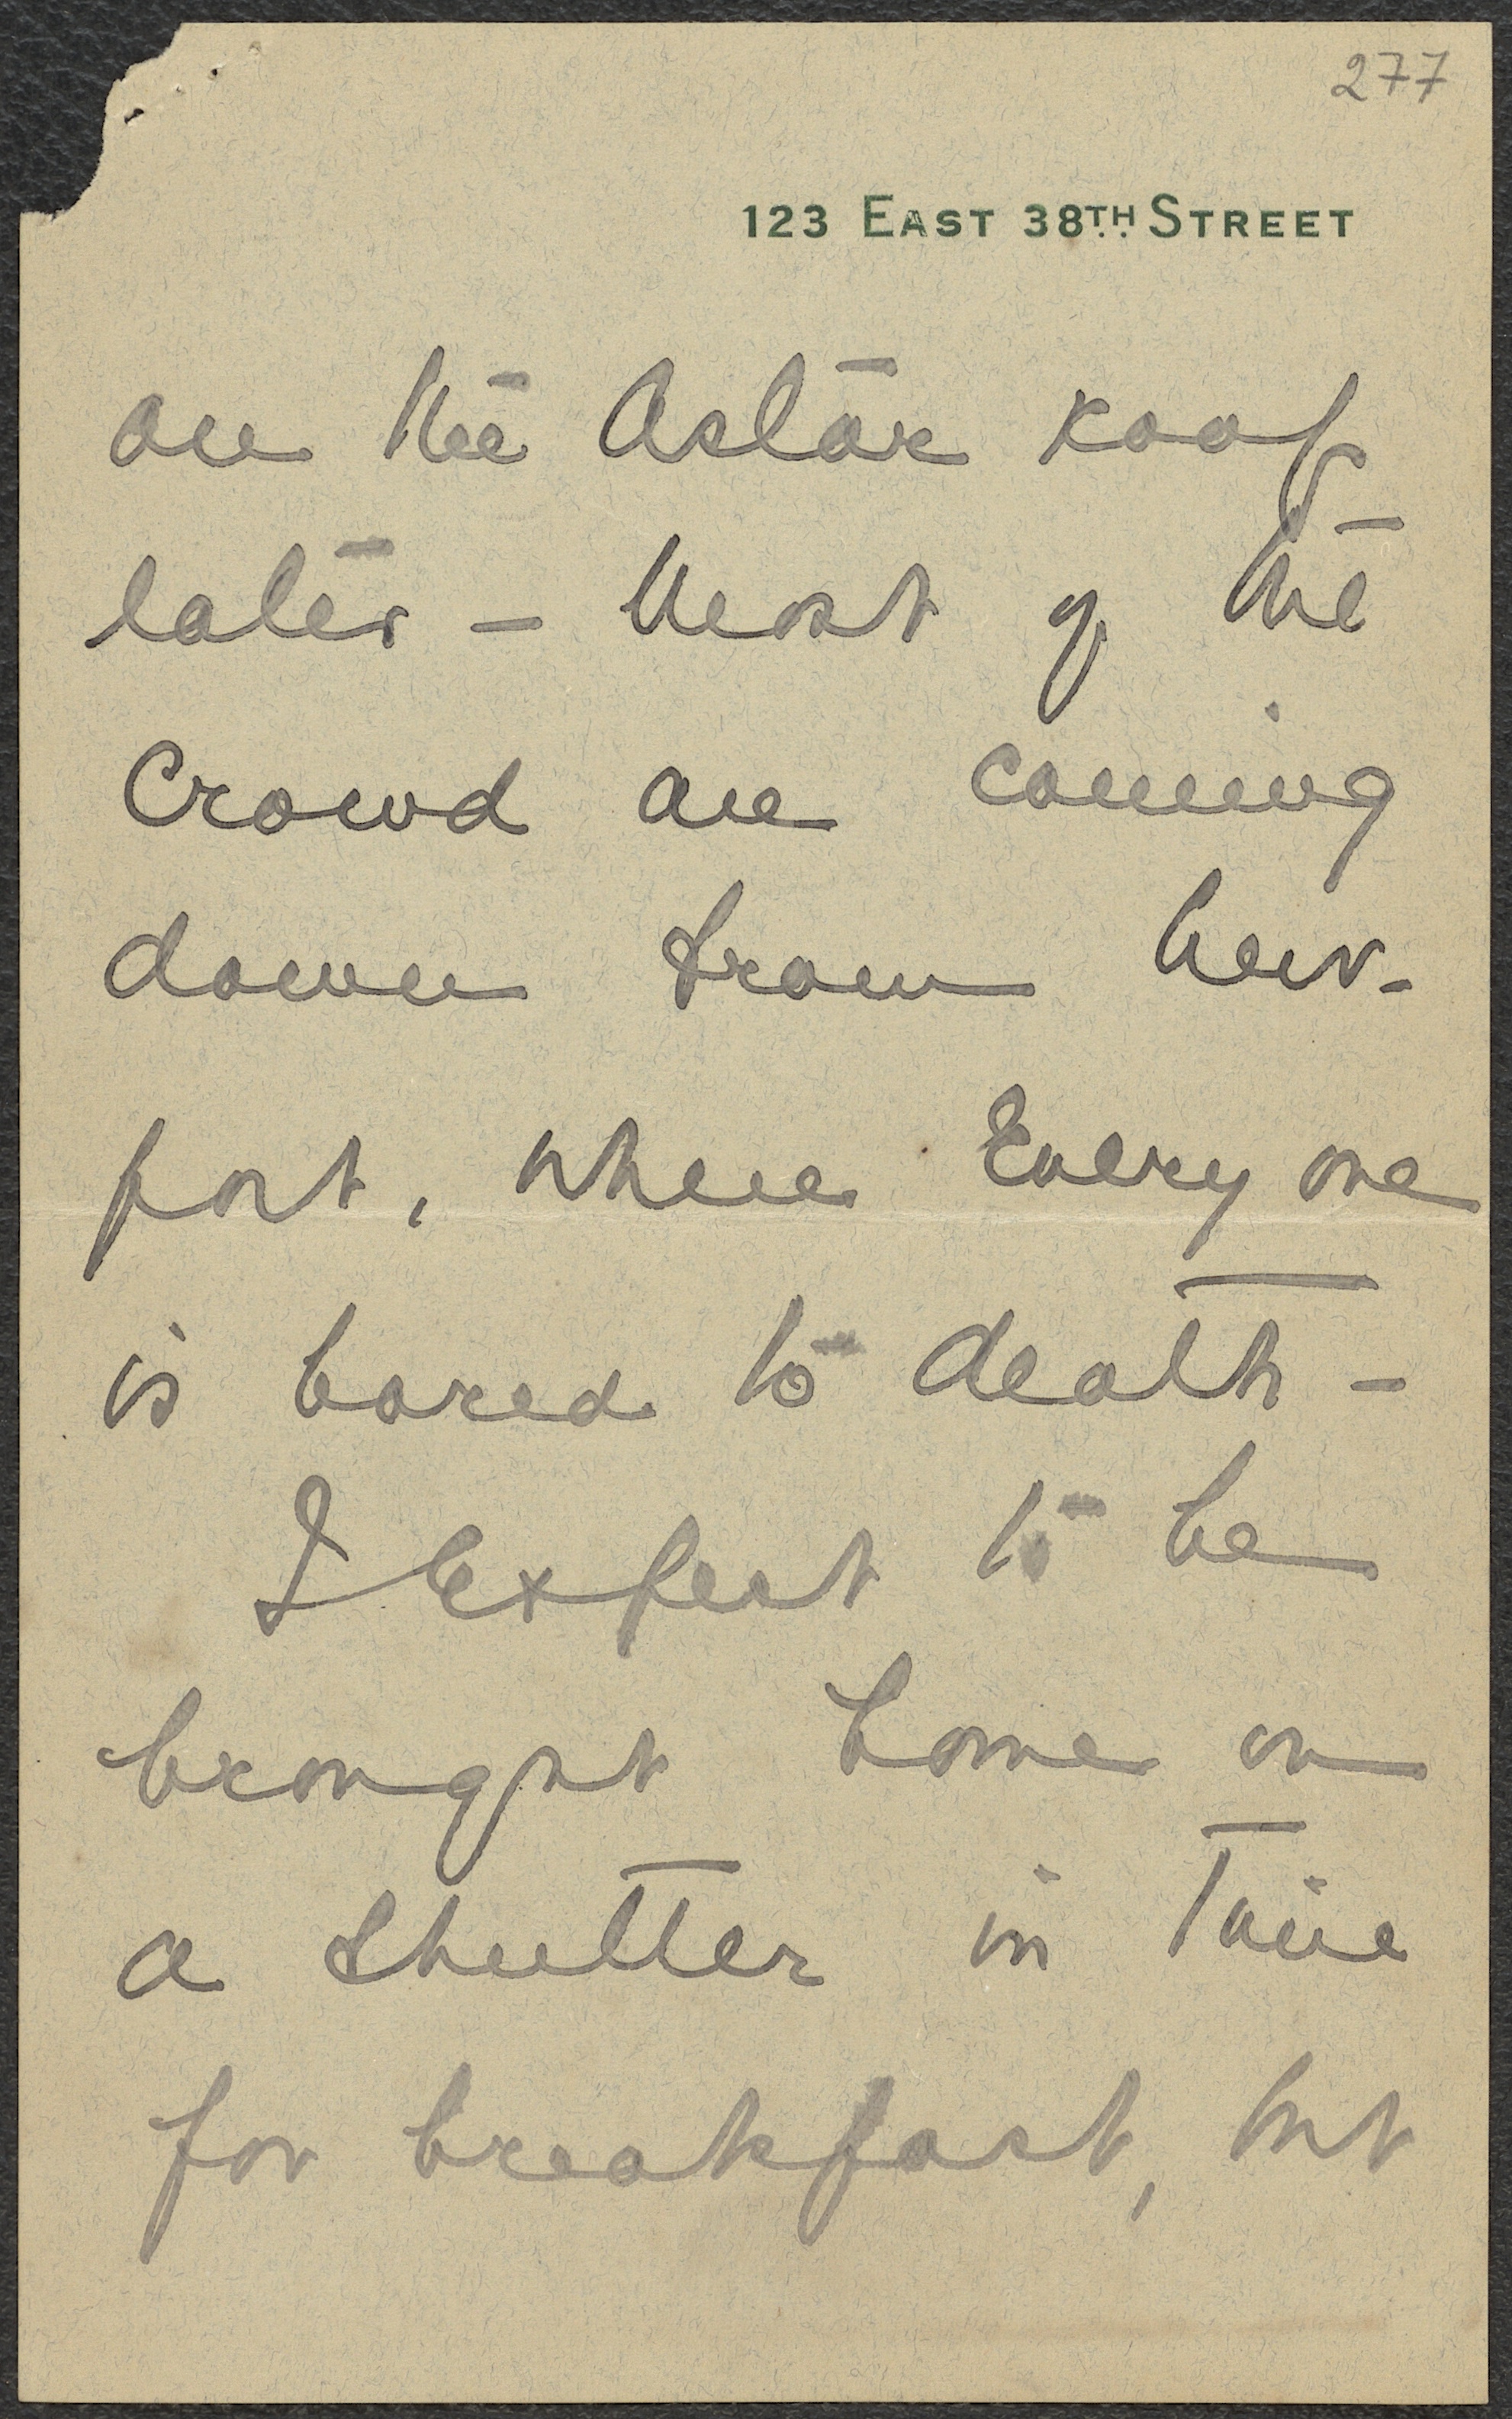on the Astor roof later – Most of the crowd are coming down from Newport, where every one is bored to death –
I expect to be brought home on a shutter in time for breakfast, but